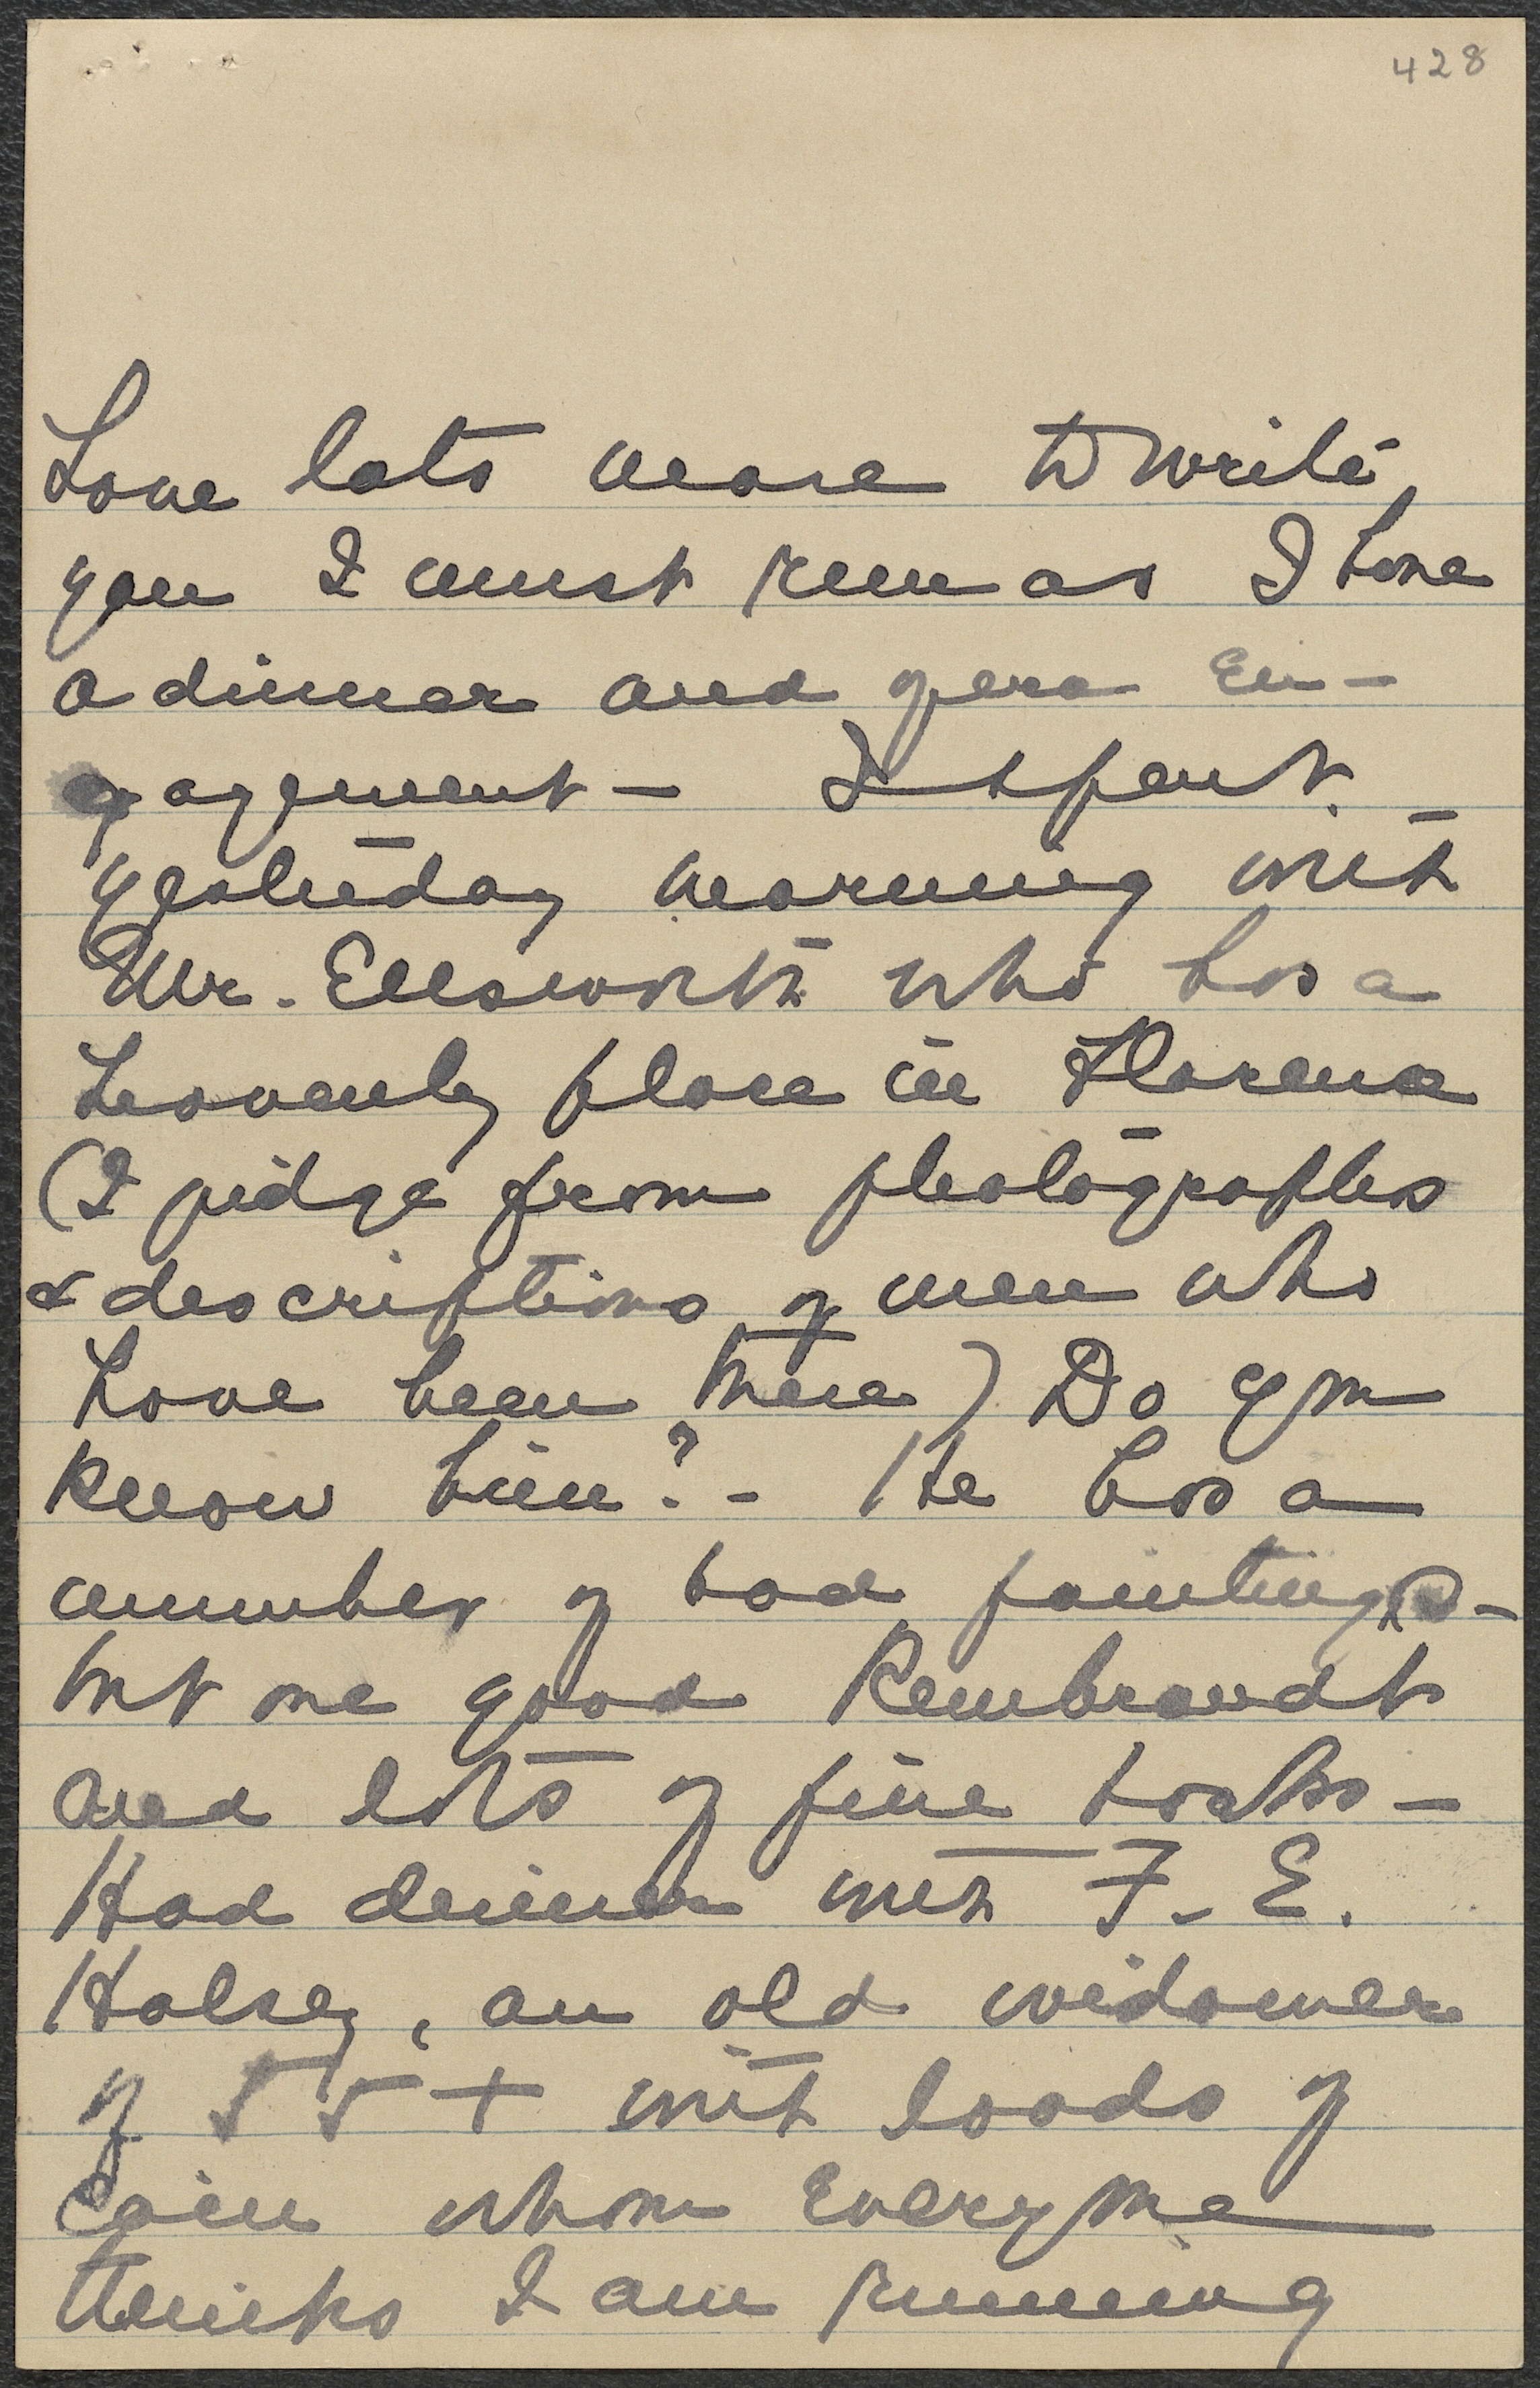have lots more to write you I must run as I have a dinner and opera engagement – I spent yesterday morning with Mr. Ellsworth who has a heavenly place in Florence (I judge from photographs & descriptions of men who have been there) Do you know him? – He has a number of bad paintings – but one good Rembrandt and lots of fine books – Had dinner with F. E. Halsey, an old widower of 55 & with loads of coin whom everyone thinks I am running